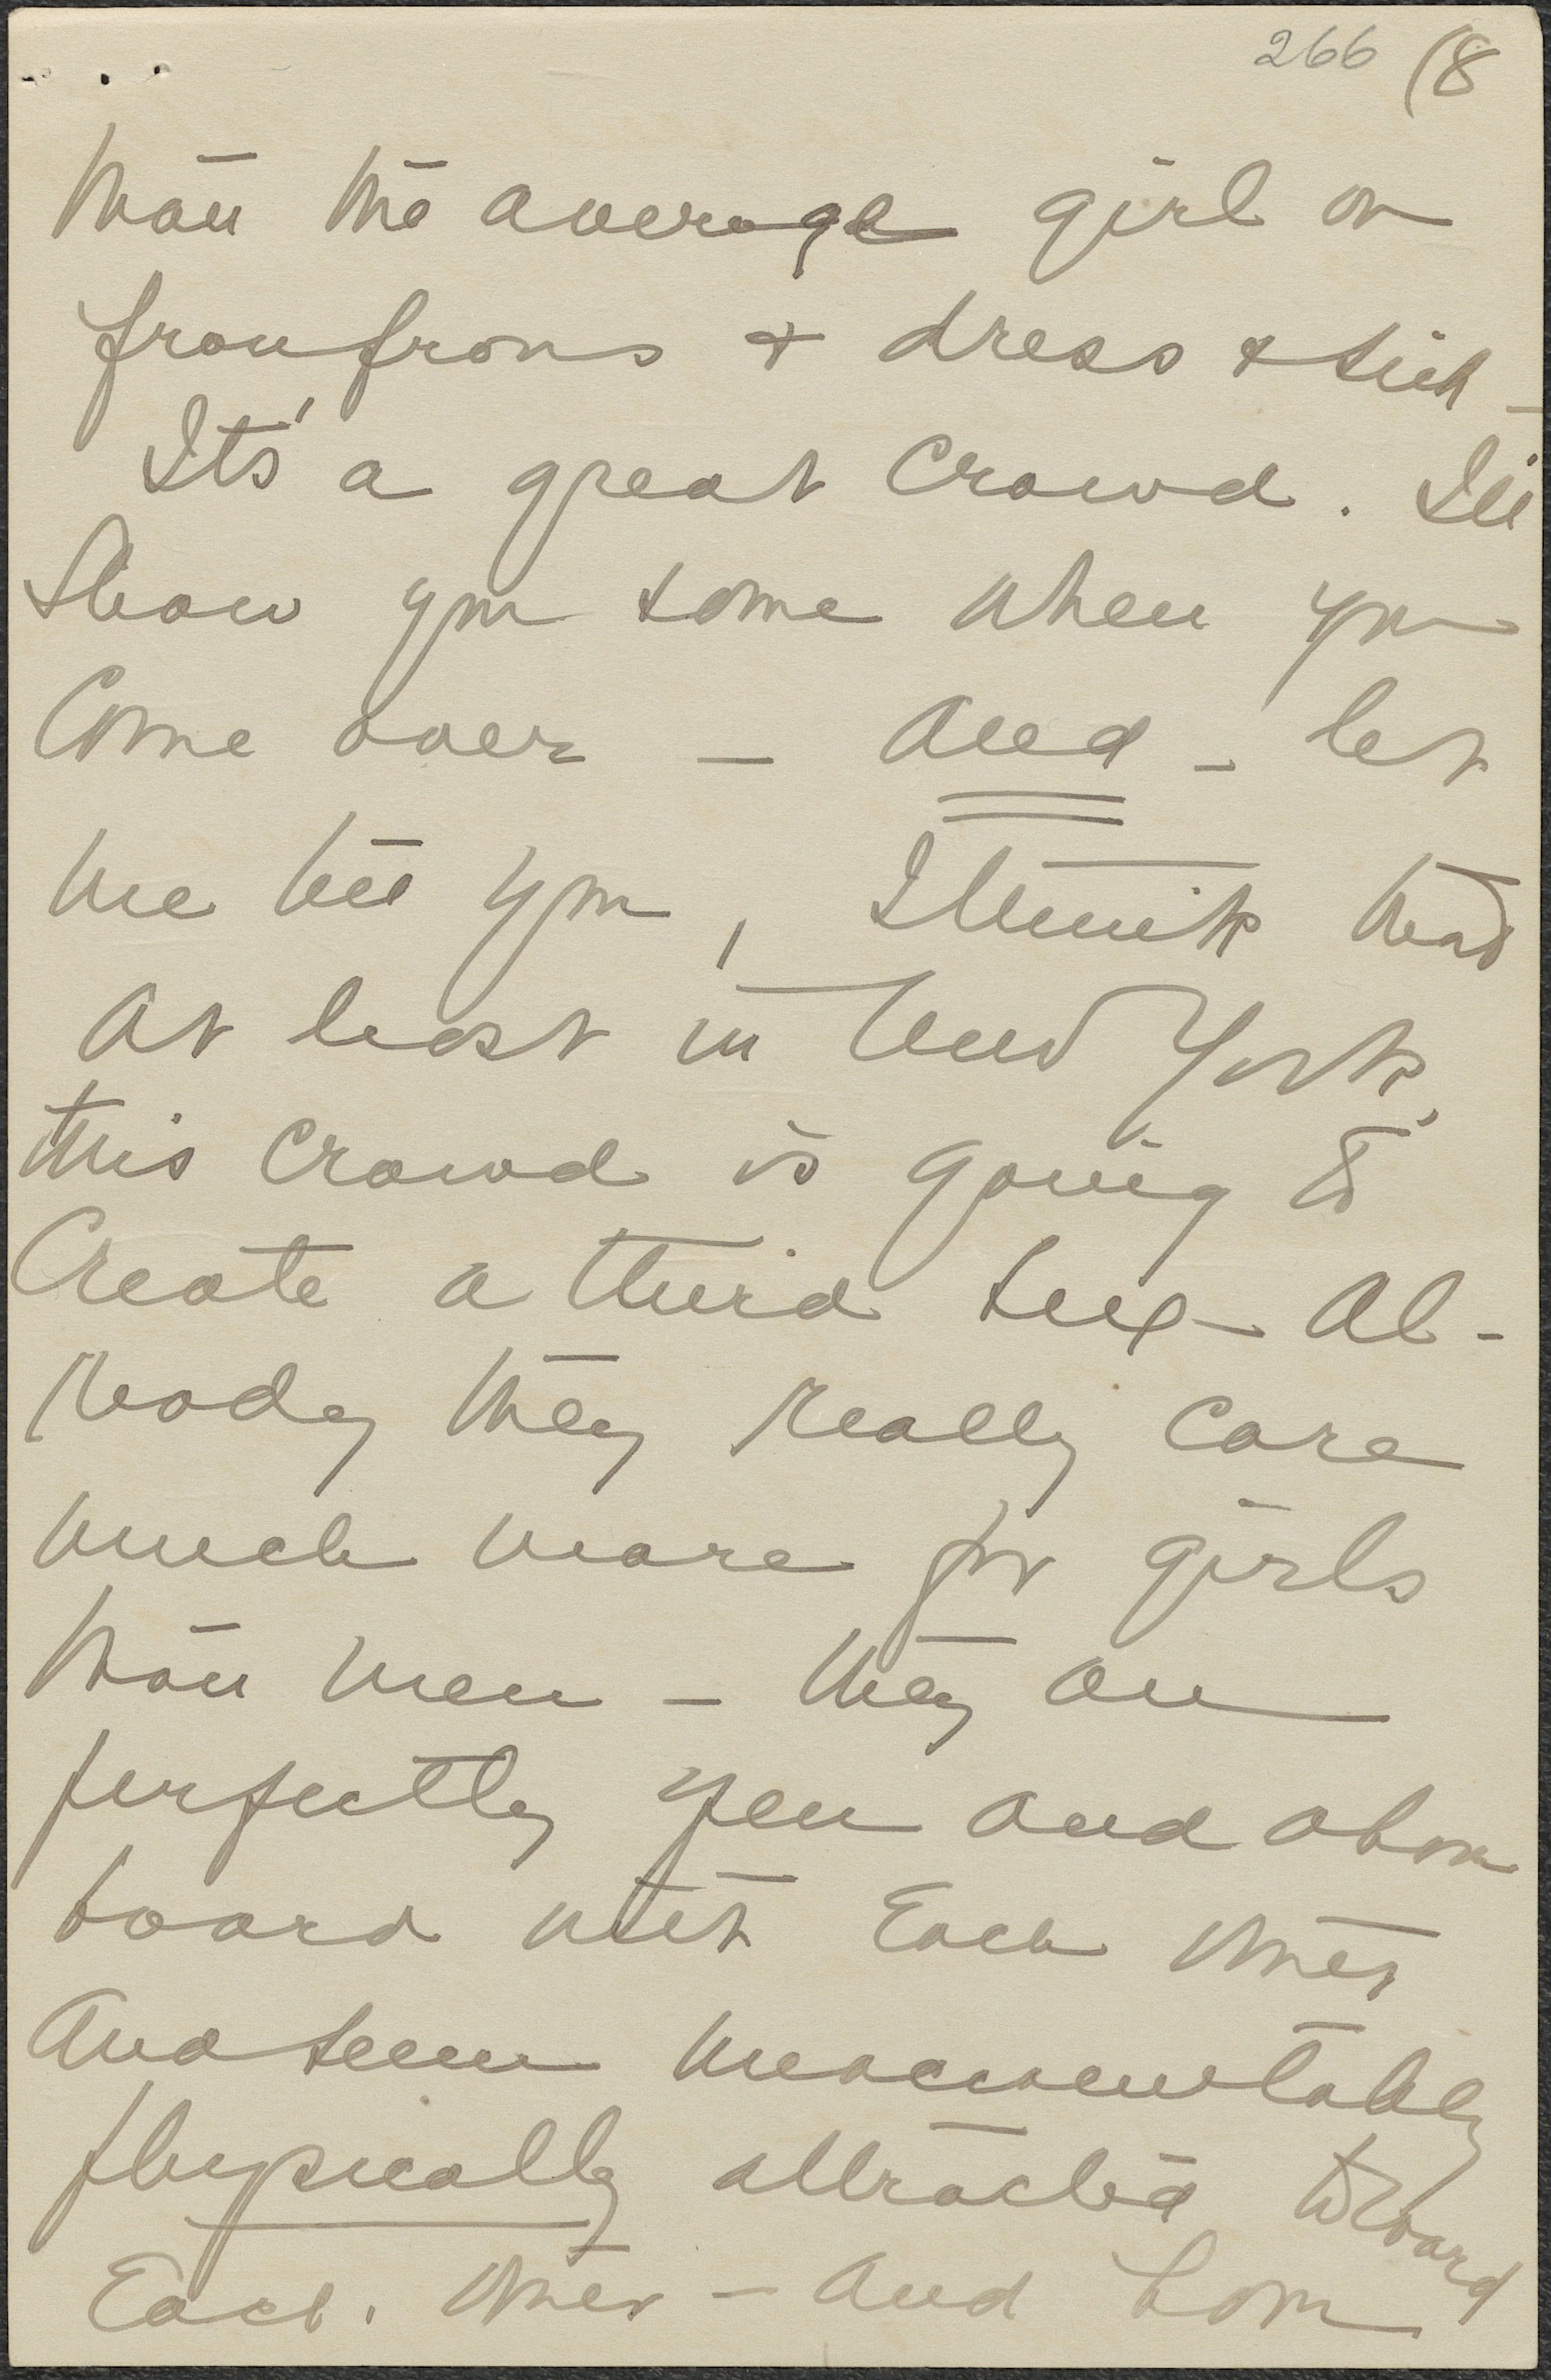(8
than the average girl on froufrous & dress & sich –
It’s a great crowd. I’ll show you some when you come over – [double underlined: and] – let me tell you, I think that at least in New York, this crowd is going to create a third sex – Already they really care much more for girls than men – they are perfectly open and above board with each other and seem unaccountably physically attracted toward each other – and have